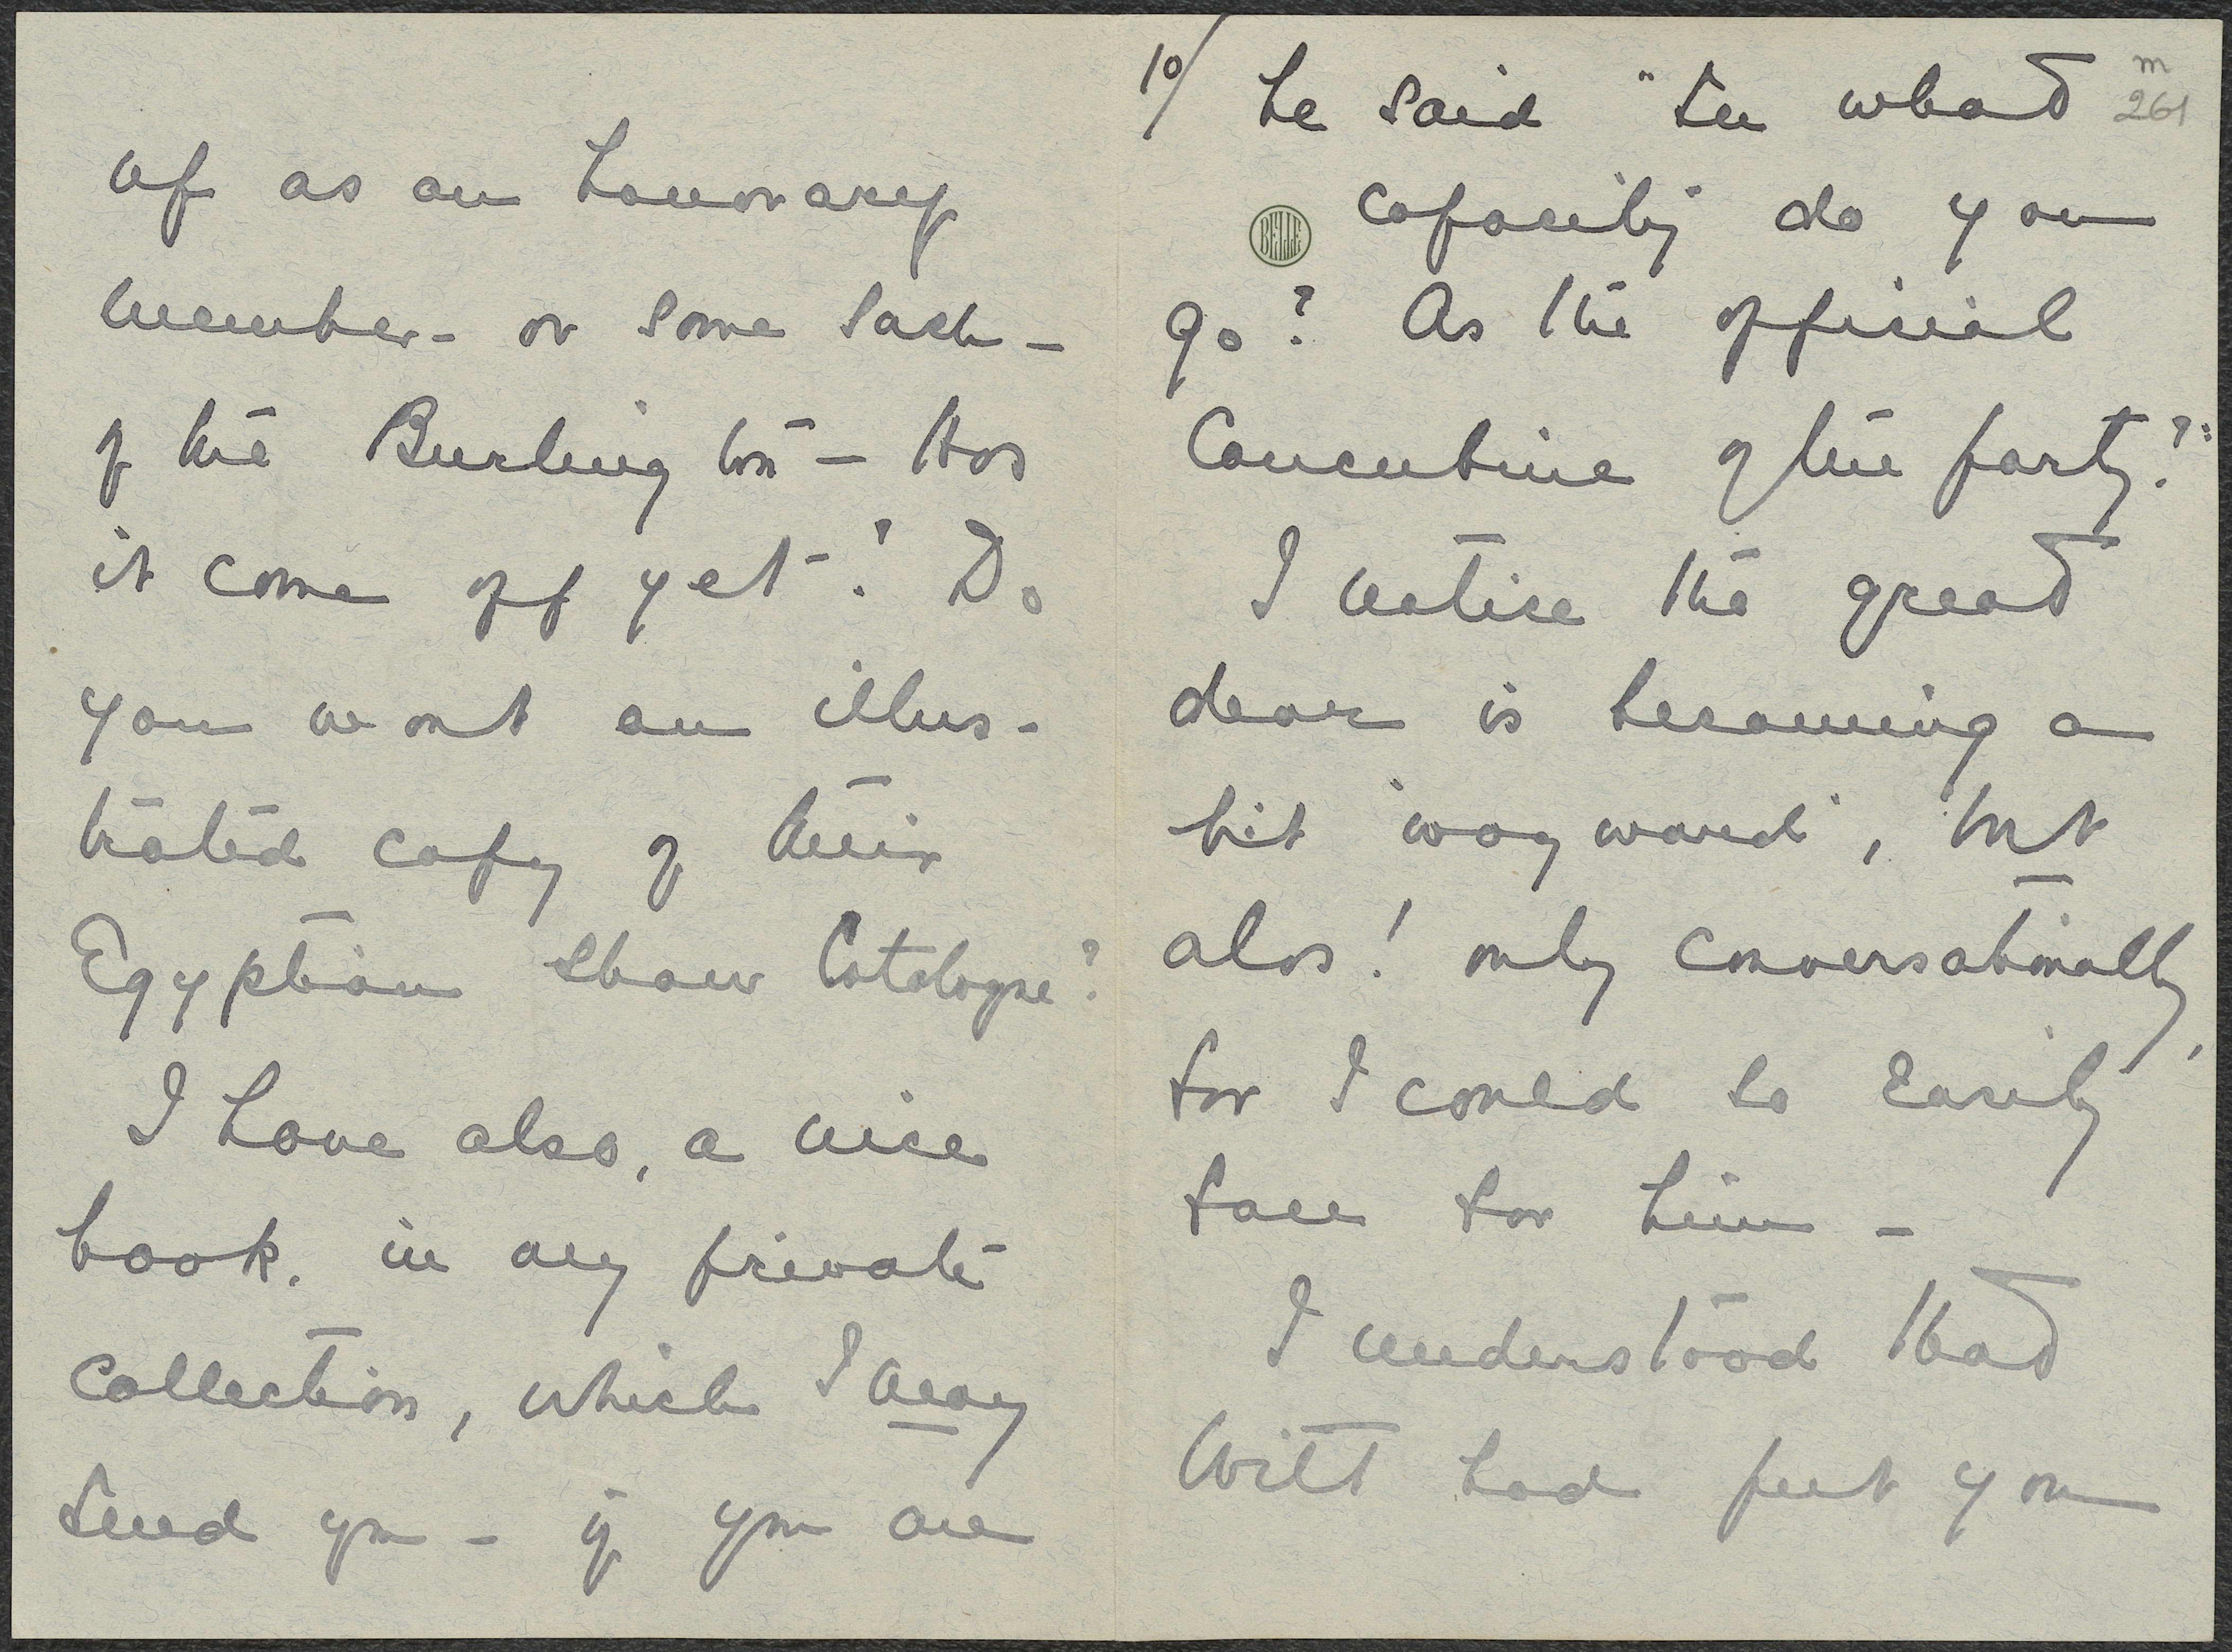10/
he said “In what capacity do you go? As the official concubine of the party?” I notice the great dear is becoming a bit ‘wayward’, but alas! only conversationally, for I could so easily fall for him –
I understood that Witt had put you
up as an honorary member – or some such – of the Burlington – Has it come off yet? Do you want an illustrated copy of their Egyptian show Catalogue? I have also, a nice book, in my private collection, which I may send you – if you are